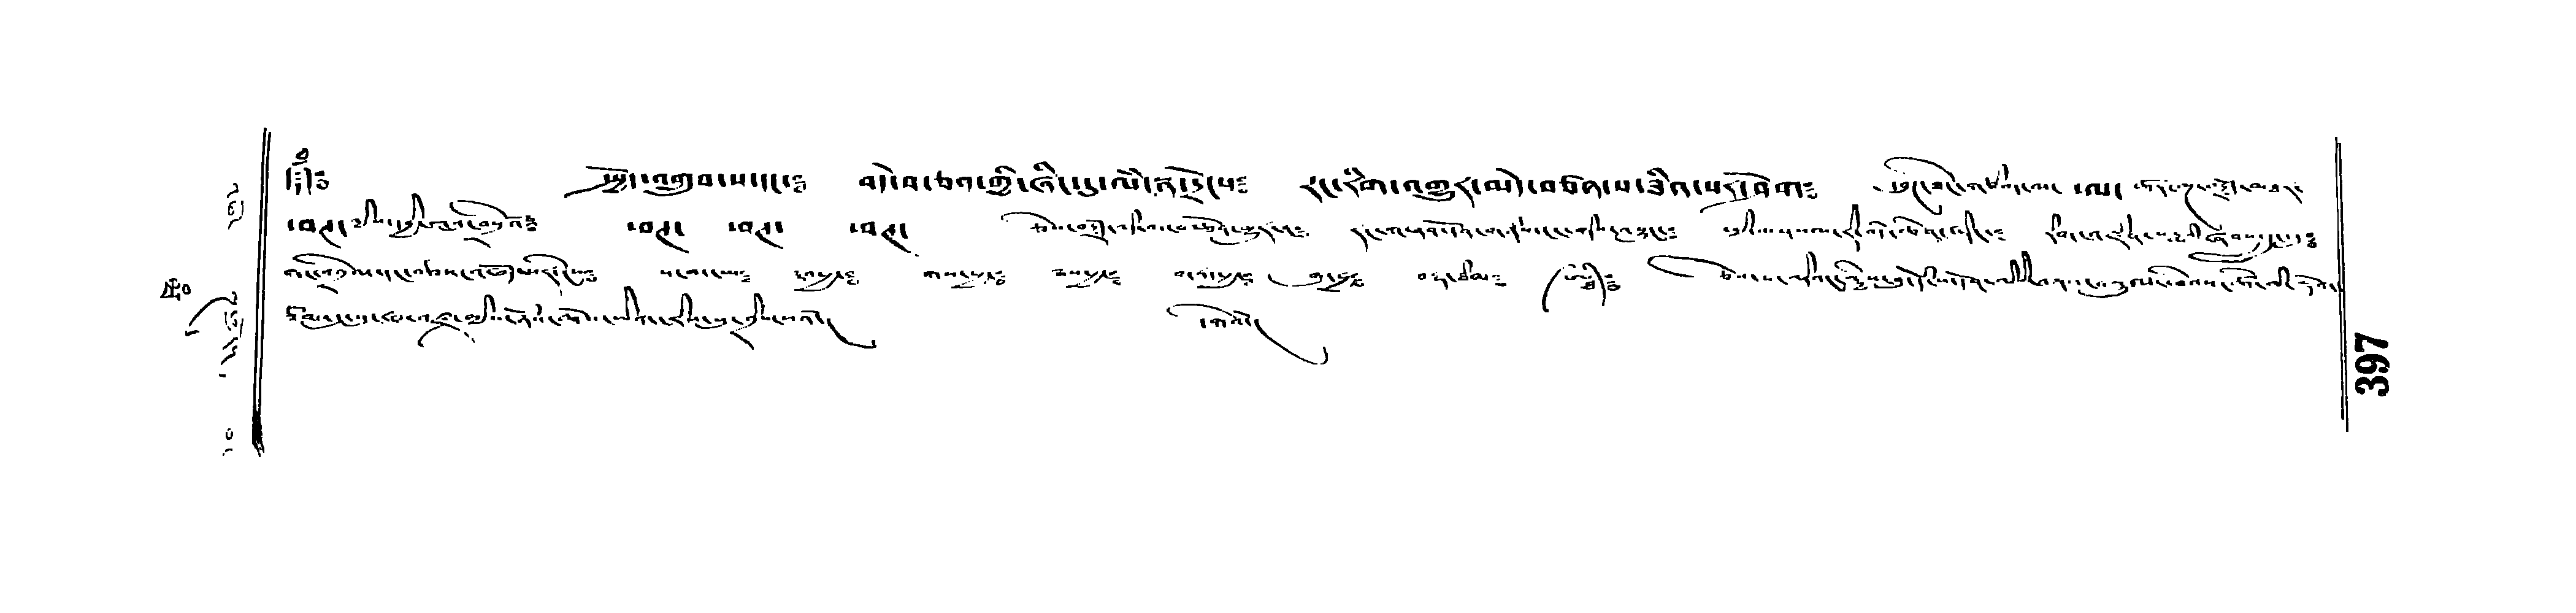སྤྱོད་འགྲུབ་པ་དང༔ བདེ་བ་ཅན་གྱི་ཞིང་དུ་ལམ་སྣ་དྲེངས༔ རང་རིག་འགྱུར་མེད་བཙན་ས་ཟིན་པར་ཤོག༔ དབུགས་ཐེངས་གཅིག་ལ༔ ཨཱཿ ཚར་ལྔ་བརྗོད་མཐར་
ཕཊ་ཀྱིས་དབྱིངས་སུ་བསྲེའོ༔ ཕཊཿ ཕཊཿ ཕཊཿ ཅེས་བརྗོད་འདི་ལ་བརྩོན་གྱུར་ན༔ རང་གཞན་དོན་གཉིས་ངང་གིས་འབྱུང༔ ཕྱི་མ་དཔལ་རི་བདེ་ཆེན་ཞིང༔ རིག་འཛིན་པདྨའི་ཞབས་དྲུང་དུ༔ 
གང་འབྲེལ་དང་བཅས་འཁོད་པར་ངེས༔ ས་མ་ཡ༔ ཟབ་རྒྱ༔ གསང་རྒྱ༔ སྦས་རྒྱ༔ གཏད་རྒྱ༔ གུ་ཧྱ༔ བརྡ་ཐིམ༔ ༔ ཅེས་པ་འདིའང་སྐྱེས་བུ་དམ་པ་དོན་ལིའི་བཀའ་བསྐུལ་ཕེབས་ཚེ་མ་ལྡོག་
ཙམ་དུ་སུ་ཁ་བཛྲ་གྱིས་ཉམས་ཆོས་ཡིག་རིས་སུ་བྲིས་པའོ།།